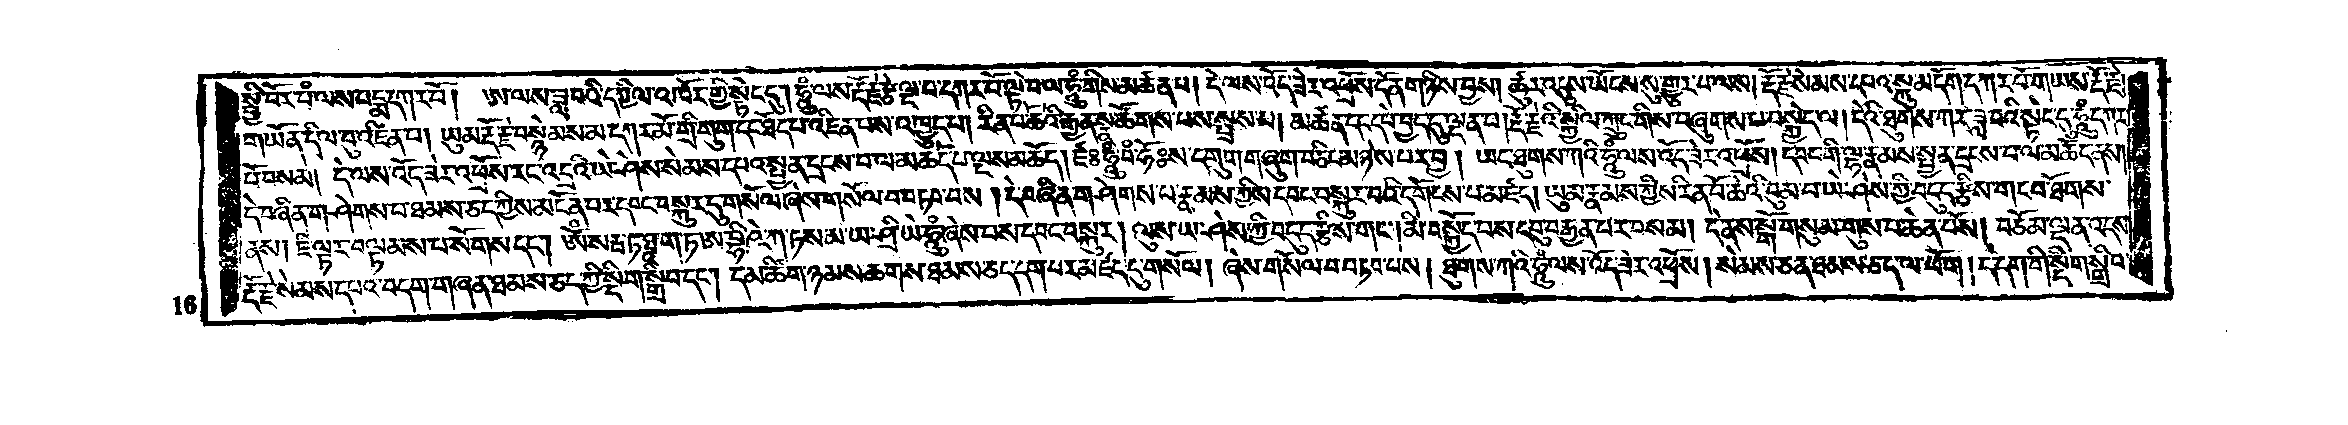སྤྱི་བོར་བཾ་ལས་པདམ་དཀར་པོ། ཨ་ལས་ཟླ་བའི་དཀྱིལ་འཁོར་གྱི་སྟེང་དུ། ཧཱུཾ་ལས་རྡོ་རྗེ་རྩེ་ལྔ་པ་དཀར་པོ་ལྟེ་བ་ལ་ཧཱུཾ་གིས་མཚན་པ། དེ་ལས་འོད་ཟེར་འཕྲོས་དོན་གཉིས་བྱས། ཚུར་འདུས་ཡོངས་སུ་གྱུར་བ་ལས། རྡོ་རྗེ་སེམས་དཔའ་སྐུ་མདོག་དཀར་པོ་གཡས་རྡོ་རྗེ།
གཡོན་དྲིལ་བུ་འཛིན་པ། ཡུམ་རྡོ་རྗེ་བསྙེམས་མ་དཀར་མོ་གྲི་གུག་དང་ཐོད་པ་འཛིན་པས་འཁྱུད་པ། རིན་པོ་ཆེའི་རྒྱན་སྣ་ཚོགས་པས་སྤྲས་པ། མཚན་དང་དཔེ་བྱད་དུ་ལྡན་པ། རྡོ་རྗེའི་སྐྱིལ་ཀྲུང་གིས་བཞུགས་པ་བསྐྱེད་ལ། དེའི་ཐུགས་ཀར་ཟླ་བའི་སྟེང་དུ་ཧཱུཾ་དཀར་
པོ་བསམ། དེ་ལས་འོད་ཟེར་འཕྲོས་རང་འདྲའི་ཡེ་ཤེས་སེམས་དཔའ་སྤྱན་དྲངས་པ་ལ་མཆོད་པ་ལྔས་མཆོད། ཛཿ ཧཱུཾ་བཾ་ཧོཿ ས་དགུག་གཞུག་བཅིང་མཉེས་པར་བྱ། ཡང་ཐུགས་ཀའི་ཧཱུཾ་ལས་འོད་ཟེར་འཕྲོས། དབང་གི་ལྷ་རྣམས་སྤྱན་དྲངས་པ་ལ་མཆོད་ནས།
དེ་བཞིན་གཤེགས་པ་ཐམས་ཅད་ཀྱིས་མངོན་པར་དབང་བསྐུར་དུ་གསོལ་ཞེས་གསོལ་བ་བཏབ་པས། དེ་བཞིན་གཤེགས་པ་རྣམས་ཀྱིས་དབང་བསྐུར་བའི་དགོངས་པ་མཛད། ཡུམ་རྣམས་ཀྱིས་རིན་པོ་ཆེའི་བུམ་པ་ཡེ་ཤེས་ཀྱི་བདུད་རྩིས་གང་བ་ཐོགས་
ནས། ཇི་ལྟར་བལྟམས་པ་སོགས་དང་། ཨོཾ་སརྦ་ཏ་ཐཱ་ག་ཏ་ཨ་བྷི་ཥེ་ཀ་ཏ་ས་མ་ཡ་ཤྲི་ཡེ་ཧཱུཾ་ཞེས་པས་དབང་བསྐུར། ལུས་ཡེ་ཤེས་ཀྱི་བདུད་རྩིས་གང་། མི་བསྐྱོད་པས་དབུ་བརྒྱན་པར་བསམ། དེ་ནས་སྒོ་གསུམ་གུས་པ་ཆེན་པོས། བཅོམ་ལྡན་འདས་
རྡོ་རྗེ་སེམས་དཔའ་བདག་གཞན་ཐམས་ཅད་ཀྱི་སྡིག་སྒྲིབ་དང་། དམ་ཚིག་ཉམས་ཆགས་ཐམས་ཅད་དག་པར་མཛད་དུ་གསོལ། ཞེས་གསོལ་བ་བཏབ་པས། ཐུགས་ཀའི་ཧཱུཾ་ལས་འོད་ཟེར་འཕྲོས། སེམས་ཅན་ཐམས་ཅད་ལ་ཕོག །དེ་དག་གི་སྡིག་སྒྲིབ་